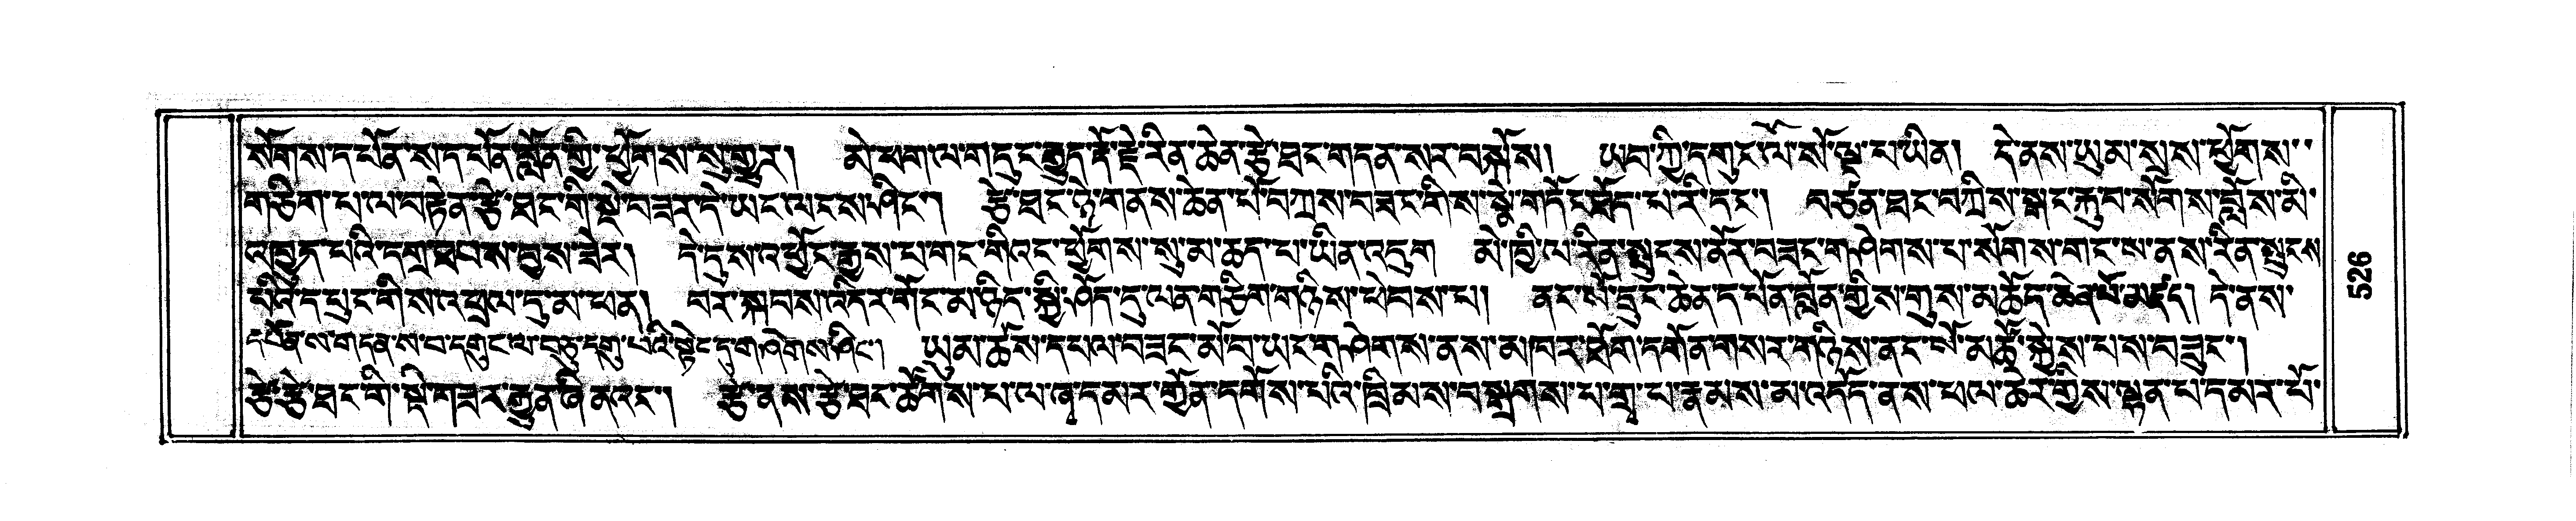སོགས་དཔོན་ས་དཔོན་བློན་གྱི་ཕྱོགས་སུ་གྱུར། མེ་ཕག་ལ་གདུང་རྒྱུད་རྡོ་རྗེ་རིན་ཆེན་རྩེ་ཐང་གདན་སར་བསྐོས། ཡབ་ཀྱི་དགུང་ལོ་སོ་ལྔ་པ་ཡིན། དེ་ནས་ཡུམ་སྲས་ཕྱོགས་
གཅིག་པ་ལ་བརྟེན་རྩེ་ཐང་གི་སྡེ་བཟར་དེ་ཡང་ལངས་ཤིང་། རྩེ་ཐང་ཉེ་གནས་ཆེན་པོ་བཀྲས་བཟང་གིས་སྣེ་གདོང་ཐོད་པ་རི་དང་། བཙན་ཐང་བཀྲིས་སྒང་རྐུ་བ་སོགས་བློ་ས་མི་
འཁྱུད་པའི་དགྲ་ཐབས་བྱས་ཟེར། དེ་དུས་འཕྱོང་རྒྱས་པ་གང་གིའང་ཕྱོགས་སུ་མ་ཆད་པ་ཡིན་འདུག་མེ་ཁྱི་ལ་རིན་སྤུངས་ནོར་བཟང་གཤེགས་པ་སོགས་གང་ས་ནས་རིན་སྤུངས་
པའི་དཔུང་གིས་འཕྲལ་དུ་མ་ཕན། བར་སྐབས་འདིར་གོང་མ་ཉིད་སྐྱི་ཤོད་དུ་ལན་གཅིག་གཉིས་ཕེབས་པ། ནང་སོ་དྲུང་ཆེན་དཔོན་བློན་གྱིས་གུས་མཆོད་ཆེན་པོ་མཛད། དེ་ནས་
དཔོན་ས་གདན་ས་བ་དགུང་ལ་བཅུ་དགུ་པའི་སྟེང་དུ་གཤེགས་ཤིང་། ཡུམ་ཆོས་དཔལ་བཟང་མོ་བ་ཡང་གཤེགས་ནས་མཁར་ཐོག་དགོན་གསར་གཉིས་ནང་སོ་མཚོ་སྐྱེས་པས་བཟུང་།
རྩེ་རྩེ་ཐང་གི་སྡི་གཟར་རྒྱུན་ཞི་ནའང་། རྩེ་ནས་རྩེ་ཐང་ཚོགས་པ་ལ་ཞྭ་དམར་གྱོན་དགོས་པའི་ཁྲིམས་བསྒྲགས་པ་གྲྭ་པ་རྣམས་མ་འདོད་ནས་ཕལ་ཆེར་གྱིས་ལྷན་པ་དམར་པོ་